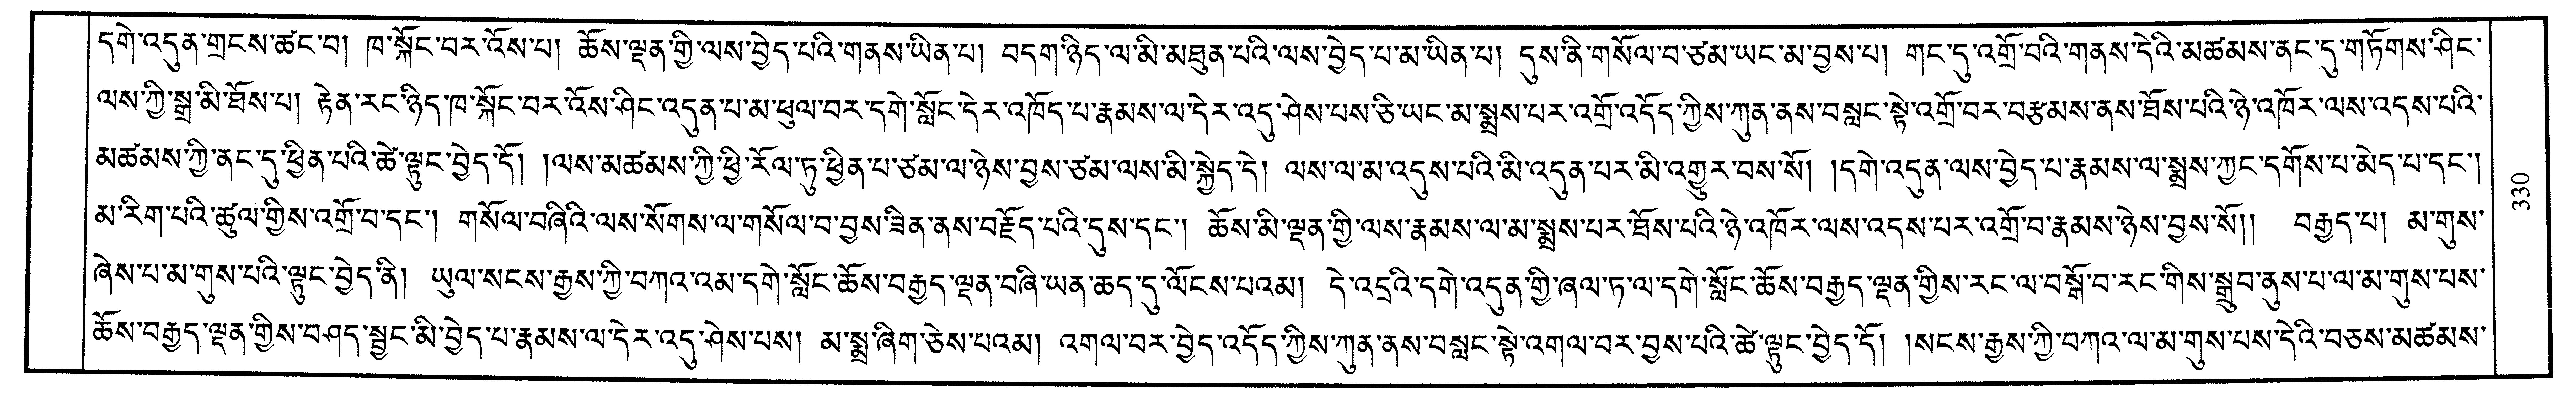དགེ་འདུན་གྲངས་ཚང་བ། ཁ་སྐོང་བར་འོས་པ། ཆོས་ལྡན་གྱི་ལས་བྱེད་པའི་གནས་ཡིན་པ། བདག་ཉིད་ལ་མི་མཐུན་པའི་ལས་བྱེད་པ་མ་ཡིན་པ། དུས་ནི་གསོལ་བ་ཙམ་ཡང་མ་བྱས་པ། གང་དུ་འགྲོ་བའི་གནས་དེའི་མཚམས་ནང་དུ་གཏོགས་ཤིང་
ལས་ཀྱི་སྒྲ་མི་ཐོས་པ། རྟེན་རང་ཉིད་ཁ་སྐོང་བར་འོས་ཤིང་འདུན་པ་མ་ཕུལ་བར་དགེ་སློང་དེར་འཁོད་པ་རྣམས་ལ་དེར་འདུ་ཤེས་པས་ཅི་ཡང་མ་སྨྲས་པར་འགྲོ་འདོད་ཀྱིས་ཀུན་ནས་བསླང་སྟེ་འགྲོ་བར་བརྩམས་ནས་ཐོས་པའི་ཉེ་འཁོར་ལས་འདས་པའི་
མཚམས་ཀྱི་ནང་དུ་ཕྱིན་པའི་ཚེ་ལྟུང་བྱེད་དོ། །ལས་མཚམས་ཀྱི་ཕྱི་རོལ་ཏུ་ཕྱིན་པ་ཙམ་ལ་ཉེས་བྱས་ཙམ་ལས་མི་སྐྱེད་དེ། ལས་ལ་མ་འདུས་པའི་མི་འདུན་པར་མི་འགྱུར་བས་སོ། །དགེ་འདུན་ལས་བྱེད་པ་རྣམས་ལ་སྨྲས་ཀྱང་དགོས་པ་མེད་པ་དང་།
མ་རིག་པའི་ཚུལ་གྱིས་འགྲོ་བ་དང་། གསོལ་བཞིའི་ལས་སོགས་ལ་གསོལ་བ་བྱས་ཟིན་ནས་བརྗོད་པའི་དུས་དང་། ཆོས་མི་ལྡན་གྱི་ལས་རྣམས་ལ་མ་སྨྲས་པར་ཐོས་པའི་ཉེ་འཁོར་ལས་འདས་པར་འགྲོ་བ་རྣམས་ཉེས་བྱས་སོ།། བརྒྱད་པ། མ་གུས་
ཞེས་པ་མ་གུས་པའི་ལྟུང་བྱེད་ནི། ཡུལ་སངས་རྒྱས་ཀྱི་བཀའ་འམ་དགེ་སློང་ཆོས་བརྒྱད་ལྡན་བཞི་ཡན་ཆད་དུ་ལོངས་པའམ། དེ་འདྲའི་དགེ་འདུན་གྱི་ཞལ་ཏ་ལ་དགེ་སློང་ཆོས་བརྒྱད་ལྡན་གྱིས་རང་ལ་བསྒོ་བ་རང་གིས་སྒྲུབ་ནུས་པ་ལ་མ་གུས་པས་
ཆོས་བརྒྱད་ལྡན་གྱིས་བཤད་སྦྱང་མི་བྱེད་པ་རྣམས་ལ་དེར་འདུ་ཤེས་པས། མ་སྨྲ་ཞིག་ཅེས་པའམ། འགལ་བར་བྱེད་འདོད་ཀྱིས་ཀུན་ནས་བསླང་སྟེ་འགལ་བར་བྱས་པའི་ཚེ་ལྟུང་བྱེད་དོ། །སངས་རྒྱས་ཀྱི་བཀའ་ལ་མ་གུས་པས་དེའི་བཅས་མཚམས་